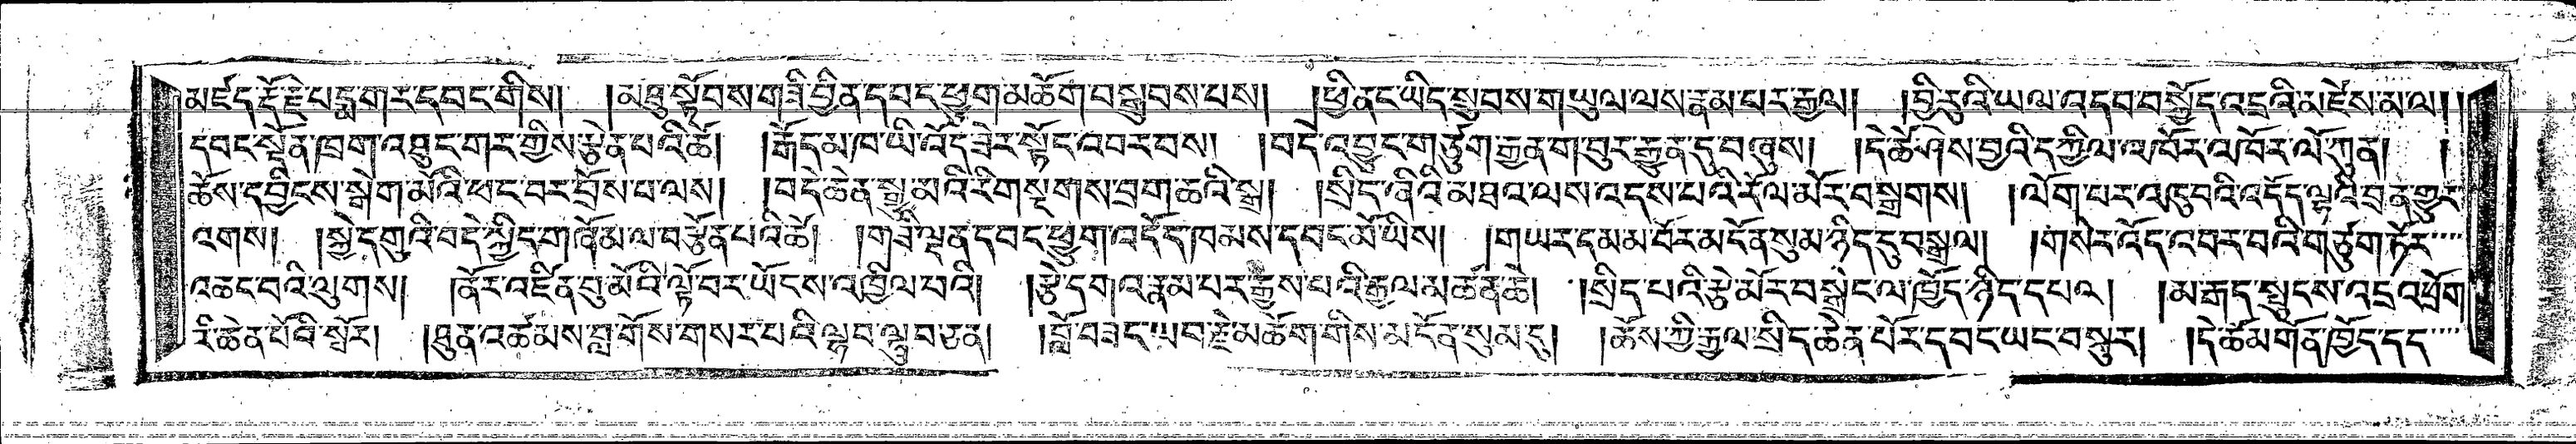མཛད་རྡོ་རྗེ་པདམ་གར་དབང་གིས། །མཐུ་སྟོབས་གཟི་བྱིན་དབང་ཕྱུག་མཆོག་བསྒྲུབས་པས། །ཕྱི་ནང་ཡིད་སྲུབས་གཡུལ་ལས་རྣམ་པར་རྒྱལ། །བྱི་རུའི་ཡལ་འདབ་བསྐྱོད་འདྲའི་མཛེས་མ་ལ། །
དབང་སྔོན་ཁྲག་འཐུང་གར་གྱིས་རྩེན་པའི་ཚེ། །རྒོད་མ་ཁ་ཡི་འོད་ཟེར་སྟོང་འབར་བས། །བདེ་འབྱུང་གཙུག་རྒྱན་ག་བུར་རྒྱུན་དུ་བཞུས། །དེ་ཚེ་ཤེས་བྱའི་དཀྱིལ་འཁོར་འཁོར་ལོ་ཀུན། །
ཆོས་དབྱིངས་སྒེག་མོའི་ཕང་བར་བྲོས་པ་ལས། །བདེ་ཆེན་སྒྱུ་མའི་རིག་སྔགས་བྲག་ཆའི་སྒྲ། །སྲིད་ཞིའི་མཐའ་ལས་འདས་པའི་རོལ་མོར་བསྒྲགས། །ལོག་པར་འཁུ་བའི་འདོད་ལྷའི་བྲན་གྱུར་
འགས། །སྐྱེ་དགུའི་བདེ་སྐྱིད་གཞོམ་ལ་བརྩོན་པའི་ཚེ། །གཟི་ལྡན་དབང་ཕྱུག་འདོད་ཁམས་དབང་མོ་ཡིས། །གཡར་དམ་མ་ཐོར་མངོན་སུམ་ཉིད་དུ་བསྒྲལ། །གསེར་འོད་འབར་བའི་གཙུག་ཏོར་
འཆང་བའི་ལུགས། །ནོར་འཛིན་བུ་མོའི་ལྟོ་བར་ཡོངས་འཁྱིལ་བའི། །རྩེ་དགའ་རྣམ་པར་རྒྱས་པའི་རྒྱལ་མཚན་ཆེ། །སྲིད་པའི་རྩེ་མོར་བསྒྲེང་ལ་ཁྱོད་ཉིད་དཔལ། །མ་རྒད་སྤུངས་འདྲ་འཕྲོག་
རི་ཆེན་པོའི་སྤོར། །ཐུན་འཚམས་བླ་གོས་གསར་པའི་ལྷབ་ལྷུབ་ཅན། །བློ་བཟང་ཡག་རྗེ་མཆོག་གིས་མངོན་སུམ་དུ། །ཆོས་ཀྱི་རྒྱལ་སྲིད་ཆེན་པོར་དབང་ཡང་བསྐུར། །དེ་ཚེ་མགོན་ཁྱོད་དད་